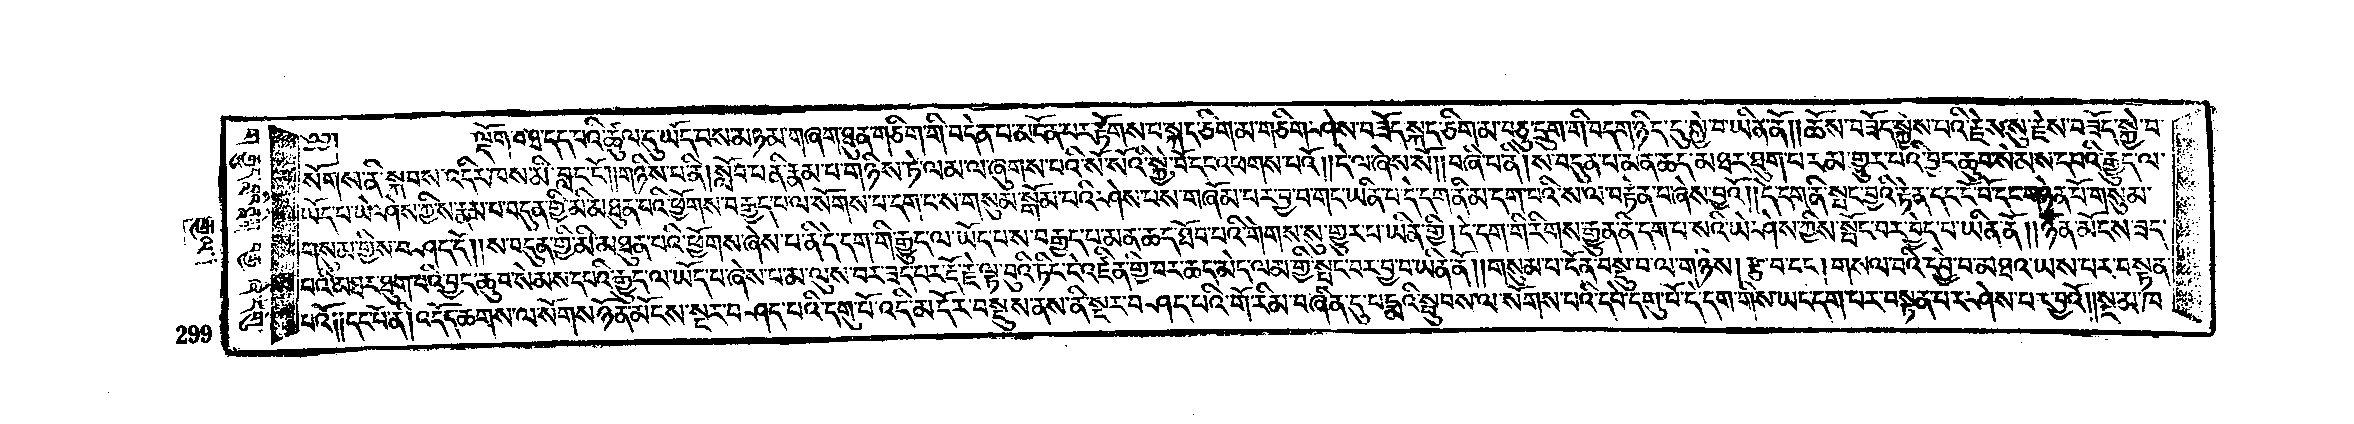༄༅། །ལྡོག་པ་ཐ་དད་པའི་ཚུལ་དུ་ཡོད་པས་མཉམ་གཞག་ཐུན་གཅིག་གི་བདེན་པ་མངོན་པར་རྟོགས་པ་སྐད་ཅིག་མ་གཅིག་ཤེས་བཟོད་སྐད་ཅིག་མ་བཅུ་དྲུག་གི་བདག་ཉིད་དུ་སྐྱེ་བ་ཡིན་ནོ། །ཆོས་བཟོད་སྐྱེས་པའི་རྗེས་སུ་རྗེས་བཟོད་སྐྱེ་བ་
སོགས་ནི་སྐབས་འདིར་ཁས་མི་བླང་ངོ། །གཉིས་པ་ནི། སློབ་པ་ནི་རྣམ་པ་གཉིས་ཏེ་ལམ་ལ་ཞུགས་པའི་སོ་སོའི་སྐྱེ་བོ་དང་འཕགས་པའོ། །དེ་ལ་ཞེས་སོ། །བཞི་པ་ནི། ས་བདུན་པ་མིན་ཆད་མཐར་ཐུག་པར་མ་གྱུར་པའི་བྱང་ཆུབ་སེམས་དཔའི་རྒྱུད་ལ་
ཡོད་པ་ཡེ་ཤེས་ཀྱིས་རྣམ་པ་བདུན་གྱི་མི་མཐུན་པའི་ཕྱོགས་བརྒྱད་པ་ལ་སོགས་པ་དག་པ་ས་གསུམ་སྒོམ་པའི་ཤེས་པས་གཞོམ་པར་བྱ་བ་གང་ཡིན་པ་དེ་དག་ནི་མ་དག་པའི་ས་ལ་བརྟེན་པ་ཞེས་བྱའོ། །དེ་དག་ནི་སྤང་བྱའི་རྟེན་དང་ངོ་བོ་དང་གཉེན་པོ་གསུམ་
གསུམ་གྱིས་བཤད་དོ། །ས་བདུན་གྱི་མི་མཐུན་པའི་ཕྱོགས་ཞེས་པ་ནི་དེ་དག་གི་རྒྱུད་ལ་ཡོད་པ་ས་བརྒྱད་པ་མན་ཆད་ཐོབ་པའི་གེགས་སུ་གྱུར་པ་ཡིན་གྱི་།དེ་དག་གི་རིགས་རྒྱུན་ནི་དག་པ་སའི་ཡེ་ཤེས་ཀྱིས་སྤོང་བར་བྱེད་པ་ཡིན་ནོ། །ཉོན་མོངས་ཟད་
པའི་མཐར་ཐུག་པའི་བྱང་ཆུབ་སེམས་དཔའི་རྒྱུད་ལ་ཡོད་པ་ཞེས་པ་མ་ལུས་པར་ཟད་པར་རྡོ་རྗེ་ལྟ་བུའི་ཏིང་ངེ་འཛིན་གྱི་བར་ཆད་མེད་ལམ་གྱི་སྤང་བར་བྱ་བ་ཡིན་ནོ། །གསུམ་པ་དོན་བསྡུ་བ་ལ་གཉིས། རྩ་བ་དང་། གསལ་བའི་དབྱེ་བ་མཐའ་ཡས་པར་བསྟན་
པའོ༑ ༑དང་པོ་ནི། འདོད་ཆགས་ལ་སོགས་ཉོན་མོངས་སྔར་བཤད་པའི་དགུ་པོ་འདི་མདོར་བསྡུས་ནས་ནི་སྔར་བཤད་པའི་གོ་རིམ་བཞིན་དུ་པདམའི་སྦུབས་ལ་སོགས་པའི་དཔེ་དགུ་པོ་དེ་དག་གིས་ཡང་དག་པར་བསྟན་པར་ཤེས་པར་བྱའོ། །སྔ་མ་ཁ་